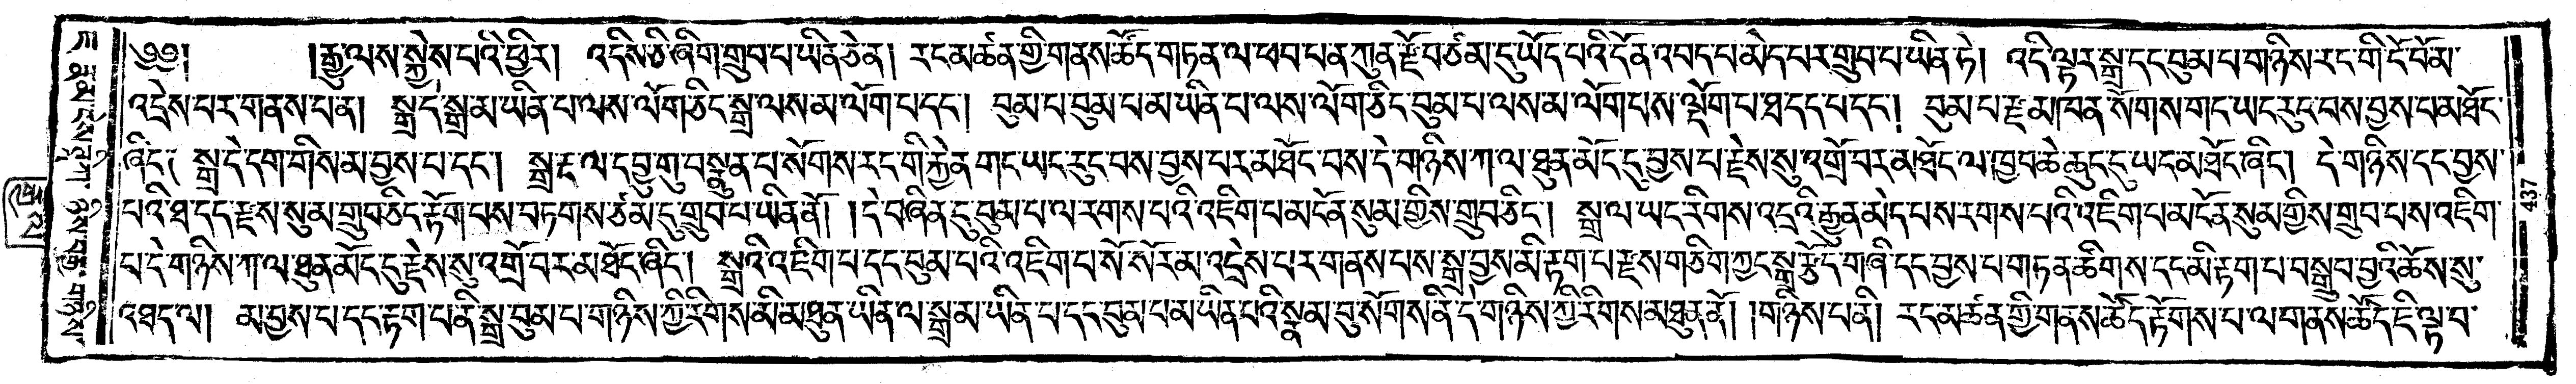༄༅། །རྒྱུ་ལས་སྐྱེས་པའི་ཕྱིར། འདིས་ཅི་ཞིག་གྲུབ་པ་ཡིན་ཅེ་ན། རང་མཚན་གྱི་གནས་ཚོད་གཏན་ལ་ཕབ་པ་ན་ཀུན་རྫོབ་ཙམ་དུ་ཡོད་པའི་དོན་འབད་པ་མེད་པར་གྲུབ་པ་ཡིན་ཏེ། འདི་ལྟར་སྒྲ་དང་བུམ་པ་གཉིས་རང་གི་ངོ་བོ་མ་
འདྲེས་པར་གནས་པ་ན། སྒྲ་དེ་སྒྲ་མ་ཡིན་པ་ལས་ལོག་ཅིང་སྒྲ་ལས་མ་ལོག་པ་དང་། བུམ་པ་བུམ་པ་མ་ཡིན་པ་ལས་ལོག་ཅིང་བུམ་པ་ལས་མ་ལོག་པས་ལྡོག་པ་ཐ་དད་པ་དང་། བུམ་པ་རྫ་མཁན་སོགས་གང་ཡང་རུང་བས་བྱས་པ་མཐོང་
ཞིང་། སྒྲ་དེ་དག་གིས་མ་བྱས་པ་དང་། སྒྲ་རྔ་ལ་དབྱུ་གུ་བསྣུན་པ་སོགས་རང་གི་རྐྱེན་གང་ཡང་རུང་བས་བྱས་པར་མཐོང་བས་དེ་གཉིས་ཀ་ལ་ཐུན་མོང་དུ་བྱས་པ་རྗེས་སུ་འགྲོ་བར་མཐོང་ལ་ཁྱབ་ཆེ་ཆུང་དུ་ཡང་མཐོང་ཞིང་། དེ་གཉིས་དང་བྱས་
པའི་ཐ་དད་རྫས་སུ་མ་གྲུབ་ཅིང་རྟོག་པས་བཏགས་ཙམ་དུ་གྲུབ་པ་ཡིན་ནོ། །དེ་བཞིན་དུ་བུམ་པ་ལ་རགས་པའི་འཇིག་པ་མངོན་སུམ་གྱིས་གྲུབ་ཅིང་། སྒྲ་ལ་ཡང་རིགས་འདྲའི་རྒྱུན་མེད་པས་རགས་པའི་འཇིག་པ་མངོན་སུམ་གྱིས་གྲུབ་པས་འཇིག་
པ་དེ་གཉིས་ཀ་ལ་ཐུན་མོང་དུ་རྗེས་སུ་འགྲོ་བར་མཐོང་ཞིང་། སྒྲའི་འཇིག་པ་དང་བུམ་པའི་འཇིག་པ་སོ་སོར་མ་འདྲེས་པར་གནས་པས་སྒྲ་བྱས་མི་རྟག་པ་རྫས་གཅིག་ཀྱང་སྒྲ་རྩོད་གཞི་དང་བྱས་པ་གཏན་ཚིགས་དང་མི་རྟག་པ་བསྒྲུབ་བྱའི་ཆོས་སུ་
འཐད་ལ། མ་བྱས་པ་དང་རྟག་པ་ནི་སྒྲ་བུམ་པ་གཉིས་ཀྱི་རིགས་མི་མཐུན་ཡིན་ལ་སྒྲ་མ་ཡིན་པ་དང་བུམ་པ་མ་ཡིན་པའི་སྣམ་བུ་སོགས་ནི་དེ་གཉིས་ཀྱི་རིགས་མཐུན་ནོ། །གཉིས་པ་ནི། རང་མཚན་གྱི་གནས་ཚོད་རྟོགས་པ་ལ་གནས་ཚོད་ཇི་ལྟ་བ་